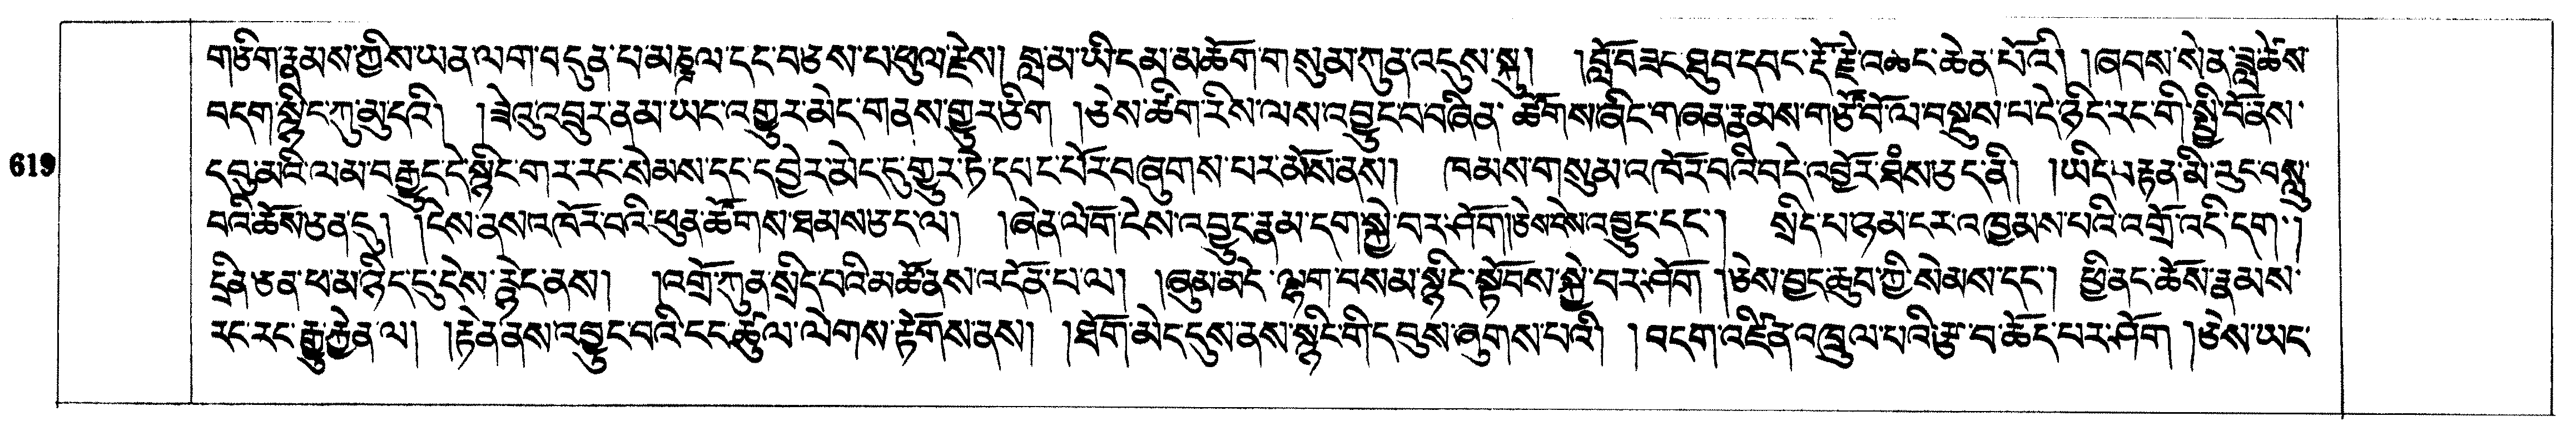གཅིག་རྣམས་ཀྱིས་ཡན་ལག་བདུན་པ་མཎྜལ་དང་བཅས་པ་ཕུལ་རྗེས། བླ་མ་ཡི་དམ་མཆོག་གསུམ་ཀུན་འདུས་སྐུ། །བློ་བཟང་ཐུབ་དབང་རྡོ་རྗེ་འཆང་ཆེན་པོའི། །ཞབས་སེན་ཟླ་ཚེས་
བདག་སྙིང་ཀུ་མུ་དའི། །ཟེའུ་འབྲུར་ནམ་ཡང་འགྱུར་མེད་གནས་གྱུར་ཅིག །ཅེས་ཚིག་རིས་ལས་འབྱུང་བ་བཞིན་ཚོགས་ཞིང་གཞན་རྣམས་གཙོ་བོ་ལ་བསྡུས་པ་དེ་ཉིད་རང་གི་སྤྱི་བོ་ནས་
དབུ་མའི་ལམ་བརྒྱུད་དེ་སྙིང་གར་རང་སེམས་དང་དབྱེར་མེད་དུ་གྱུར་ཏེ་དཔང་པོར་བཞུགས་པར་མོས་ནས། ཁམས་གསུམ་འཁོར་བའི་བདེ་འབྱོར་ཐཾས་ཅད་ནི། །ཡིད་བརྟན་མི་རུང་བསླུ་
བའི་ཆོས་ཅན་དུ། །དེས་ནས་འཁོར་བའི་ཕུན་ཚོགས་ཐམས་ཅད་ལ། །ཞེན་ལོག་ངེས་འབྱུང་རྣམ་དག་སྐྱེ་བར་ཤོག། ། ཅེས་ངེས་འབྱུང་དང་། སྲིད་པ་ཉམ་ངར་འཁྱམས་པའི་འགྲོ་འདི་དག །
དྲིན་ཅན་ཕ་མ་ཉིད་དུ་ངེས་རྙེད་ནས། །འགྲོ་ཀུན་སྲིད་པའི་མཚོ་ནས་འདོན་པ་ལ། །ཞུམ་མེད་ལྷག་བསམ་སྙིང་སྟོབས་སྐྱེ་བར་ཤོག །ཅེས་བྱང་ཆུབ་ཀྱི་སེམས་དང་། ཕྱི་ནང་ཆོས་རྣམས་
རང་རང་རྒྱུ་རྐྱེན་ལ། །རྟེན་ནས་འབྱུང་བའི་ངང་ཚུལ་ལེགས་རྟོགས་ནས། །ཐོག་མེད་དུས་ནས་སྙིང་གི་དབུས་ཞུགས་པའི། །བདག་འཛིན་འཁྲུལ་པའི་རྩ་བ་ཆོད་པར་ཤོག །ཅེས་ཡང་